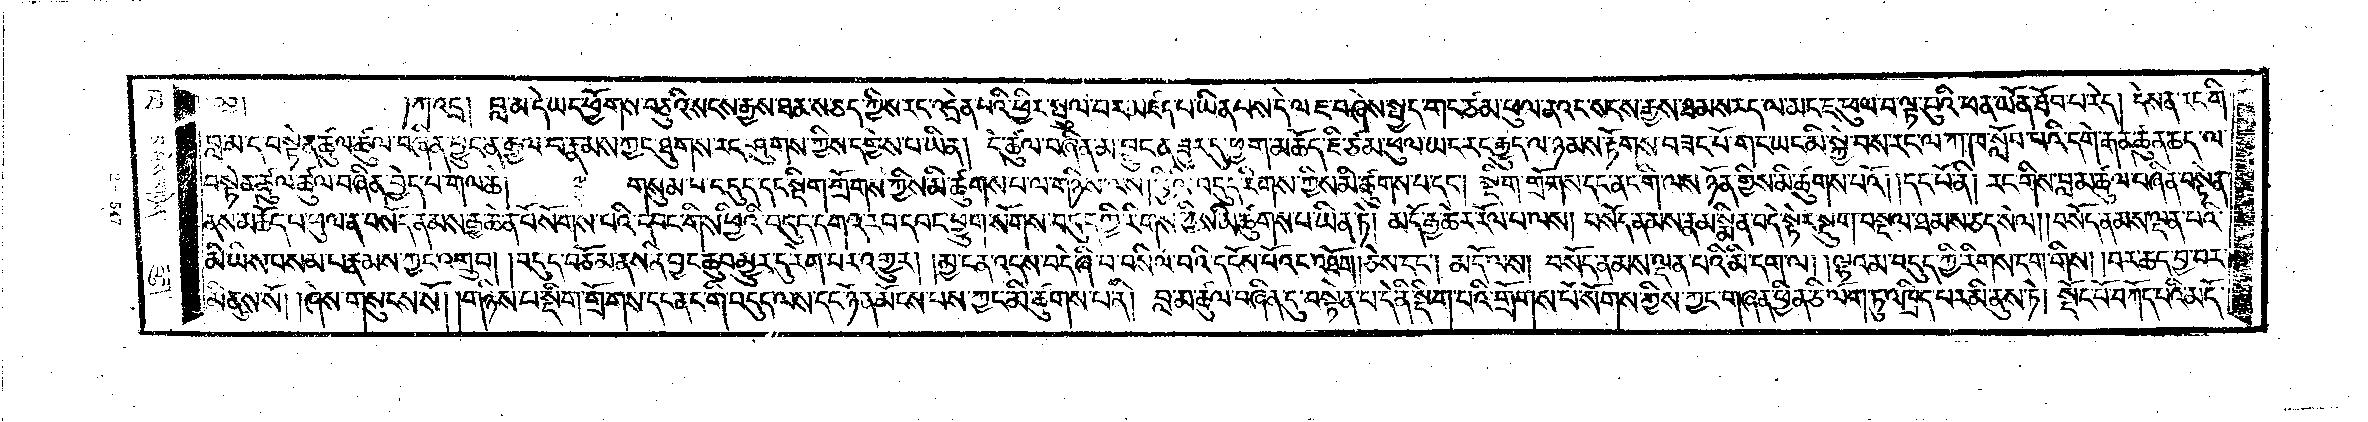༄༅། །ཀ་འདྲ། བླ་མ་དེ་ཡང་ཕྱོགས་བཅུའི་སངས་རྒྱས་ཐམས་ཅད་ཀྱིས་རང་འདྲེན་པའི་ཕྱིར་སྤྲུལ་པར་མཛད་པ་ཡིན་པས་དེ་ལ་ཇ་བཞེས་སྤྱད་གང་ཙམ་ཕུལ་ནའང་སངས་རྒྱས་ཐམས་ཅད་ལ་མང་ཇ་ཕུལ་བ་ལྟ་བུའི་ཕན་ཡོན་ཐོབ་པ་རེད། དེས་ན་རང་གི་
བླ་མ་ད་བསྟེན་ཚུལ་ཚུལ་བཞིན་བྱུང་ན་རྒྱལ་བ་རྣམས་ཀྱང་ཐུགས་རང་ཤུགས་ཀྱིས་དགྱེས་པ་ཡིན། དེ་ཚུལ་བཞིན་མ་བྱུང་ན་ཟུར་དུ་ཕྱག་མཆོད་ཇི་ཙམ་ཕུལ་ཡང་རང་རྒྱུད་ལ་ཉམས་རྟོགས་བཟང་པོ་གང་ཡང་མི་སྐྱེ་བས་རང་ལ་ཀ་ཁ་སློབ་པའི་དགེ་རྒན་ཚུན་ཆད་ལ་
བསྟེན་ཚུལ་ཚུལ་བཞིན་བྱེད་པ་གལ་ཆེ། ༈ གསུམ་པ་བདུད་དང་སྡིག་གྲོགས་ཀྱིས་མི་ཚུགས་པ་ལ་གཉིས་ལས། ཕྱིའི་བདུད་རིགས་ཀྱིས་མི་ཚུགས་པ་དང་། སྡིག་གྲོགས་དང་ནང་གི་ལས་ཉོན་གྱིས་མི་ཚུགས་པའོ། །དང་པོ་ནི། རང་གིས་བླ་མ་ཚུལ་བཞིན་བསྟེན་
ནས་མཆོད་པ་ཕུལ་ན་བསོད་ནམས་རྒྱ་ཆེན་བོ་སོགས་པའི་དབང་གིས་ཕྱིའི་བདུད་དགའ་རབ་དབང་ཕྱུག་སོགས་བདུད་ཀྱི་རིགས་ཀྱིས་མི་ཚུགས་པ་ཡིན་ཏེ། མདོ་རྒྱ་ཆེར་རོལ་པ་ལས། བསོད་ནམས་རྣམ་སྨིན་བདེ་སྟེར་སྡུག་བསྔལ་ཐམས་ཅད་སེལ། །བསོད་ནམས་ལྡན་པའི་
མི་ཡིས་བསམ་པ་རྣམས་ཀྱང་འགྲུབ། །བདུད་བཅོམ་ནས་ནི་བྱང་ཆུབ་མྱུར་དུ་རེག་པར་འགྱུར། །མྱ་ངན་འདས་བདེ་ཞི་བ་བསིལ་བའི་དངོས་པོའང་འཐོབ། །ཅེས་དང་། མདོ་ལས། བསོད་ནམས་ལྡན་པའི་མི་དག་ལ། །ལྷའམ་བདུད་ཀྱི་རིགས་དག་གིས། །བར་ཆད་བྱ་བར་
མི་ནུས་སོ། །ཞེས་གསུངས་སོ། །གཉིས་པ་སྡིག་གྲོགས་དང་ནང་གི་བདུད་ལས་དང་ཉོན་མོངས་པས་ཀྱང་མི་ཚུགས་པ་ནི། བླ་མ་ཚུལ་བཞིན་དུ་བསྟེན་པ་དེ་ནི་སྡིག་པའི་གྲོགས་པོ་སོགས་ཀྱིས་ཀྱང་གཞན་ཕྱིན་ཅི་ལོག་ཏུ་འཁྲིད་པར་མི་ནུས་ཏེ། སྡོང་པོ་བཀོད་པའི་མདོ་